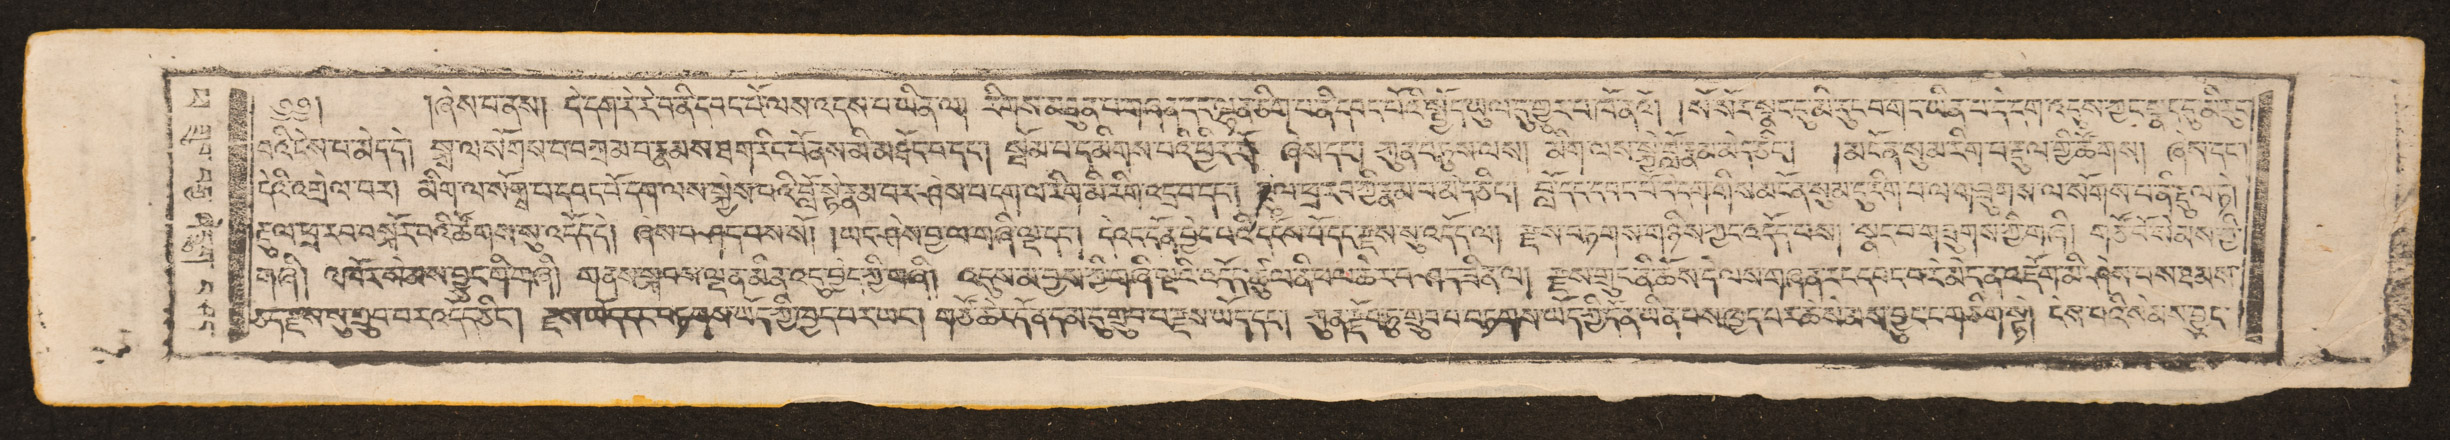༄༅། །ཞེས་པ་ནས། དེ་དག་རེ་རེ་བ་ནི་དབང་པོ་ལས་འདས་པ་ཡིན་ལ། རིགས་མཐུན་པ་གཞན་དང་ལྷན་ཅིག་པ་ནི་དབང་པོའི་སྤྱོད་ཡུལ་དུ་གྱུར་པ་ཁོ་ནའོ། །སོ་སོར་སྣང་དུ་མི་རུང་བ་གང་ཡིན་པ་དེ་དག་འདུས་ཀྱང་སྣང་དུ་མི་རུང་
བའི་ངེས་པ་མེད་དེ། སྐྲ་ལ་སོགས་པ་བཀྲམ་པ་རྣམས་ཐག་རིང་པོ་ནས་མི་མཐོང་བ་དང་། སྦོམ་པ་དམིགས་པའི་ཕྱིར་རོ། ཞེས་དང་། ཀུན་བཏུས་ལས། མིག་ལས་སྐྱེ་བློ་རྣམ་མེད་ཅིང་། །མངོན་སུམ་རིག་པ་རྡུལ་གྱི་ཚོགས། ཞེས་དང་
དེའི་འགྲེལ་པར། མིག་ལ་སོགས་པ་དབང་པོ་དག་ལས་སྐྱེས་བའི་བློ་སྟེ་རྣམ་པར་ཤེས་པ་དག་ལ་རིག་མི་རིག་འདྲ་བ་དང་། རྡུལ་ཕྲ་རབ་ཀྱི་རྣམ་པ་མེད་ཅིང་། བློ་དང་དབང་པོ་དེ་དག་གིས་མངོན་སུམ་དུ་རིག་པ་ལ་གཟུགས་ལ་སོགས་བ་ནི་རྡུལ་ཏེ།
རྡུལ་ཕྲ་རབ་བསྐོར་བའི་ཚོགས་སུ་འདོད་དེ། ཞེས་བཤད་པས་སོ། །ཡང་ཤེས་བྱལ་གཞི་ལྔ་དང་། དེའང་དོན་བྱེད་སའི་དངོས་པོ་དང་རྫས་སུ་འདོད་ལ། རྫས་བཏགས་གཉིས་ཀྱང་འདོད་པས། སྣང་བ་གཟུགས་ཀྱི་གཞི། གཙོ་བོ་སེམས་ཀྱི་
གཞི། འཁོར་སེམས་བྱུང་གི་གཞི། གནས་སྐབས་ལྡན་མིན་འདུ་བྱེད་ཀྱི་གཞི། འདུས་མ་བྱས་ཀྱི་གཞི་ལྔའི་འདོད་ཚུལ་ནི་ཕལ་ཆེར་བཤད་ཟིན་ལ། རྫས་གྲུབ་ནི་ཆོས་དེ་ལས་གཞན་རང་དབང་བ་རེ་མེད་ན་འཇོག་མི་ཤེས་པས་ཐམས་
ཅད་རྫས་སུ་གྲུབ་པར་འདོད་ཅིང་། རྫས་ཡོད་དང་བཏགས་ཡོད་ཀྱི་ཁྱད་པར་ཡང་། གཙོ་ཆེར་དོན་དམ་དུ་གྲུབ་པ་རྫས་ཡོད་དང་། ཀུན་རྫོབ་ཏུ་གྲུབ་པ་བཏགས་ཡོད་ཀྱི་དོན་ཡིན་པས་ཁྱད་པར་ཆེ་སེམས་བྱུ་དང་གཅིག་སྟེ། ངེས་བའི་སེམས་བྱུང་